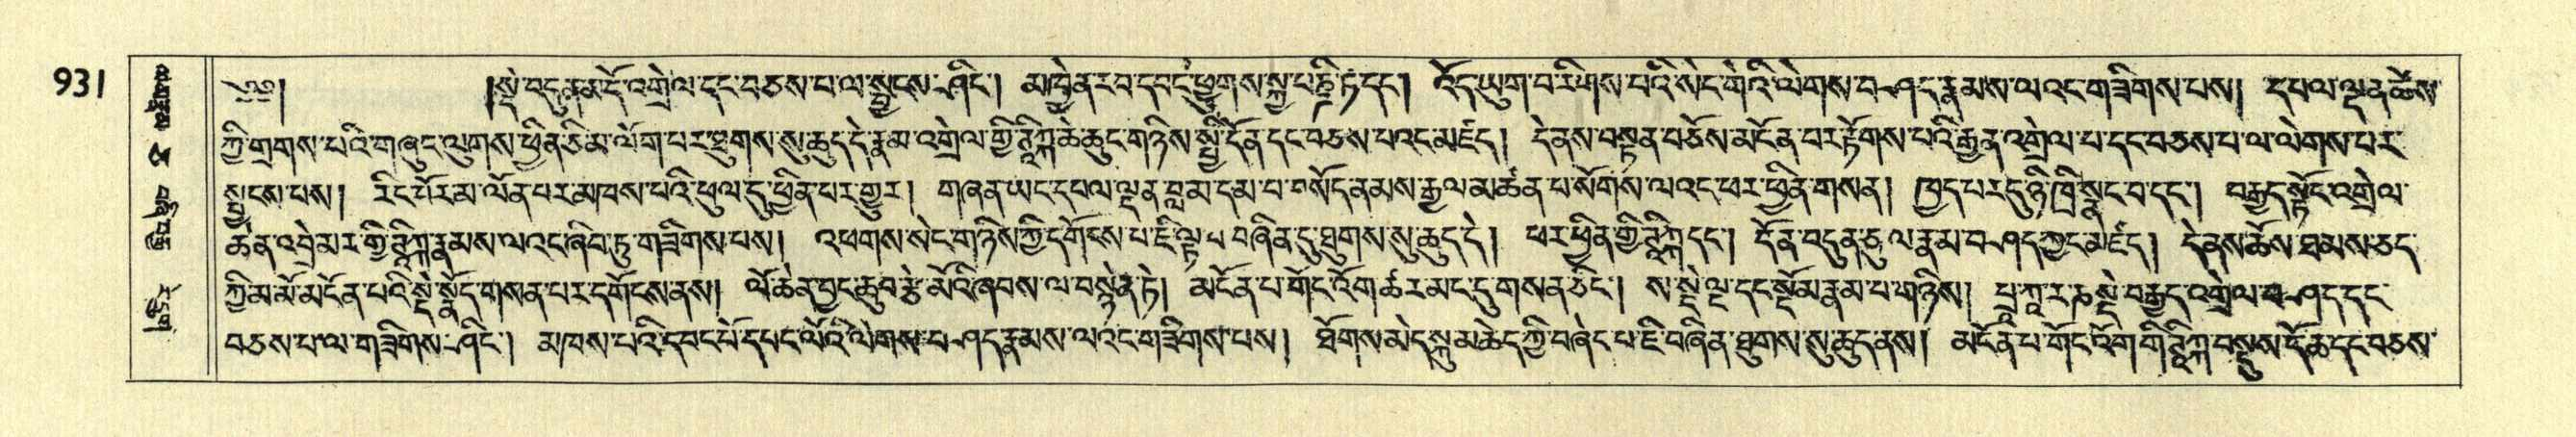༄༅། །སྡེ་བདུན་མདོ་འགྲེལ་དང་བཅས་པ་ལ་སྦྱངས་ཤིང་། མཁྱེན་རབ་དབང་ཕྱུགས་སྐྱ་པཎྜི་ཏ་དང་། འོད་ཡུག་བ་རིགས་པའི་སེང་གེའི་ལེགས་བཤད་རྣམས་ལའང་གཟིགས་པས། དཔལ་ལྡན་ཚེས་
ཀྱི་གྲགས་པའི་གཞུང་ལུགས་ཕྱིན་ཅི་མ་ལོག་པར་ཐུགས་སུ་ཆུད་དེ་རྣམ་འགྲེལ་གྱི་ཊཱིཀྐ་ཆེ་ཆུང་གཉིས་སྤྱི་དོན་དང་བཅས་པའང་མཛད། དེ་ནས་བསྟན་བཅོས་མངོན་བར་རྟོགས་པའི་རྒྱན་འགྲེལ་པ་དང་བཅས་པ་ལ་ལེགས་པར་
སྦྱངས་པས། རིང་པོར་མ་ལོན་པར་མཁས་པའི་ཕུལ་དུ་ཕྱིན་པར་གྱུར། གཞན་ཡང་དཔལ་ལྡན་བླ་མ་དམ་པ་བསོད་ནམས་རྒྱལ་མཚན་པ་སོགས་ལའང་ཕར་ཕྱིན་གསན། ཁྱད་པར་དུ་ཉི་ཁྲི་སྣང་བ་དང་། བརྒྱད་སྟོང་འགྲེལ་
ཆེན་འབྲེ་མར་གྱི་ཊཱིཀྐ་རྣམས་ལའང་ཞིབ་ཏུ་གཟིགས་པས། འཕགས་སེང་གཉིས་ཀྱི་དགོངས་པ་ཇི་ལྟ་བ་བཞིན་དུ་ཐུགས་སུ་ཆུད་དེ། ཕར་ཕྱིན་གྱི་ཊཱིཀྐ་དང་། དོན་བདུན་ཅུ་ལ་རྣམ་བཤད་ཀྱང་མཛད། དེ་ནས་ཆོས་ཐམས་ཅད་
ཀྱི་མ་མོ་མངོན་པའི་སྡེ་སྣོད་གསན་པར་དགོངས་ནས། ལོ་ཆེན་བྱང་ཆུབ་རྩེ་མོའི་ཞབས་ལ་བསྙེན་ཏེ། མངོན་པ་གོང་འོག་ཚར་མང་དུ་གསན་ཅིང་། ས་སྡེ་ལྔ་དང་སྡོམ་རྣམ་པ་གཉིས། པྲཱ་ཀཱ་ར་ཎ་སྡེ་བརྒྱད་འགྲེལ་བཤད་དང་
བཅས་པ་ལ་གཟིགས་ཤིང་། མཁས་པའི་དབང་པོ་དབང་ལོའི་ལེགས་བཤད་རྣམས་ལའང་གཟིགས་པས། ཐོགས་མེད་སྐུ་མཆེད་ཀྱི་བཞེད་པ་ཇི་བཞིན་ཐུགས་སུ་ཆུད་ནས། མངོན་པ་གོང་འོག་གི་ཊཱིཀྐ་བསྡུས་དོ་ཆ་དང་བཅས་